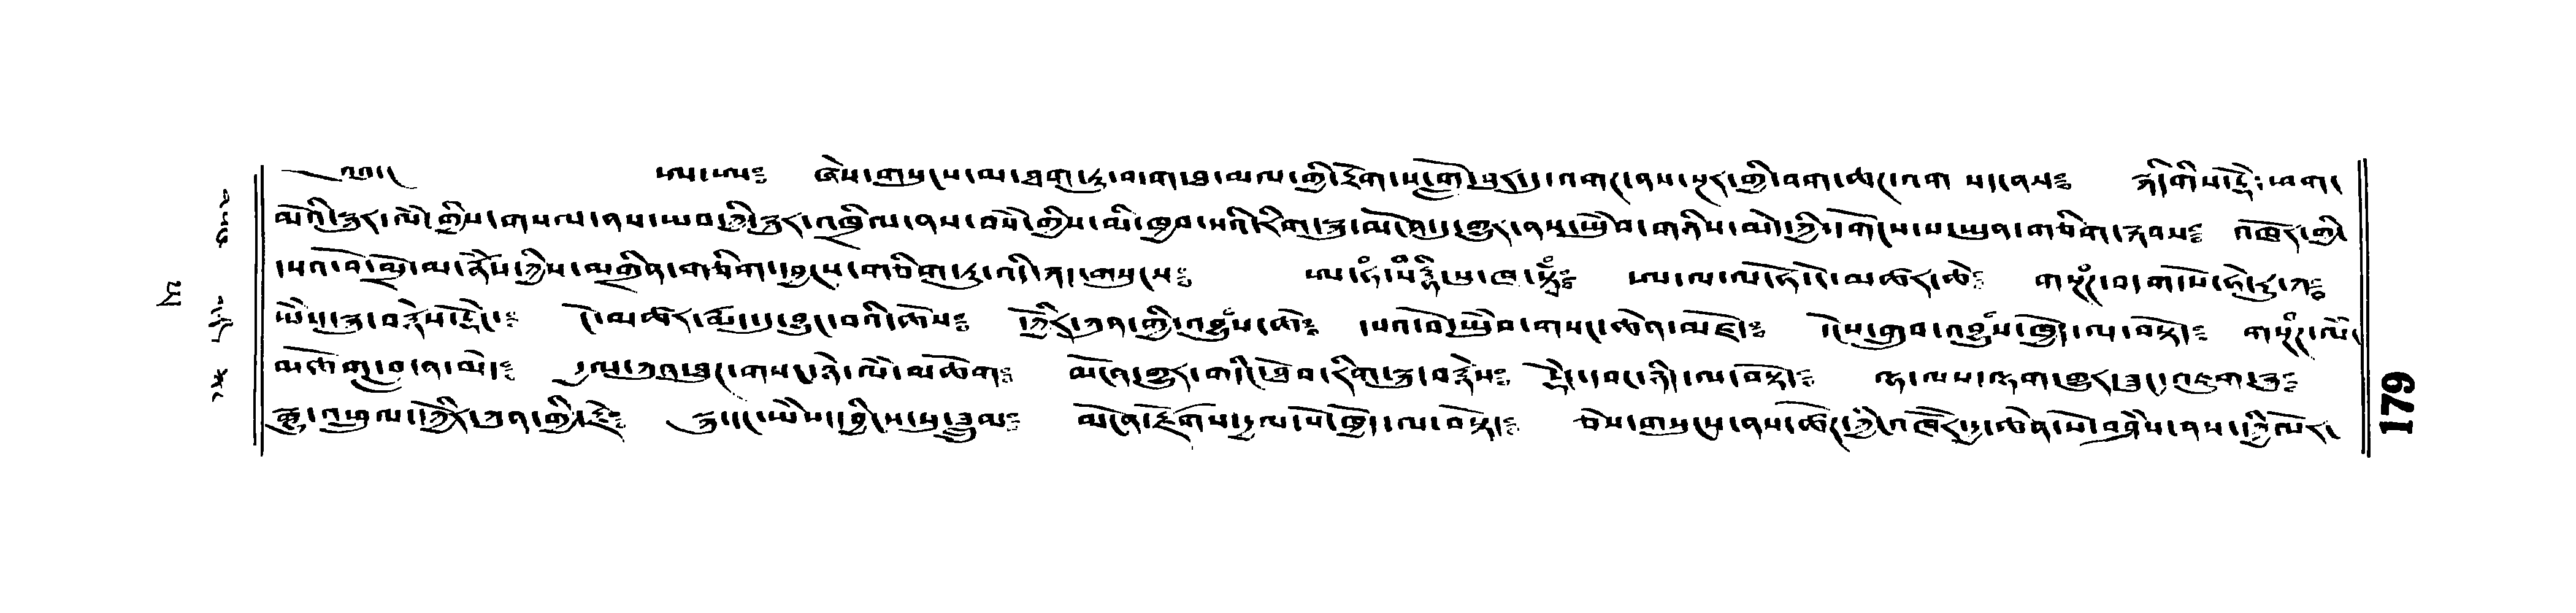ཨ་ཨཱ༔ ཞེས་གསུངས་མ་ཐག་ཏུ་བདག་ཐ་མལ་གྱི་རྟོག་པ་གློ་བུར་དུ་འགགས་ནས་སྔར་གྱི་བག་ཆགས་འགའ་སད་ནས༔ སྐད་ཅིག་གིས་རྡོ་རྗེ་ཕག་
མོའི་སྐུར་ལམ་གྱིས་གསལ་ནས་ཡབ་ཀྱི་སྐུར་འཁྲིལ་ནས་བསམ་གྱིས་མི་ཁྱབ་པའི་རིག་སྐུ་མངོན་དུ་གྱུར་ནས་ཡབ་ཡུམ་གཉིས་མེད་ཀྱི་དགོངས་པ་ཡུན་གཅིག་སྐབས༔ འཁོར་གྱི་
དཔའ་བོ་མཁའ་འགྲོ་མ་རྣམས་ཀྱིས་མགྲིན་གཅིག་དབྱངས་གཅིག་ཏུ་འདི་སྐད་གསུངས༔ ཨ་ཧཾ་སིདྡྷི་སུ་ཁ་སྟྭྃ༔ ཨ་ལ་ལ་ཧོ་ངོ་མཚར་ཆེ༔ གསང་སྔགས་བདག་པོ་ཧེ་རུ་ཀ༔ 
ཡེ་ཤེས་སྐུ་བརྙེས་རྡོ་རྗེ་འཆང༔ ངོ་མཚར་རྨད་དུ་བྱུང་བའི་ཆོས༔ དཀྱིལ་འཁོར་ཀུན་གྱི་འབྱུང་གནས་ཆེ༔ དཔའ་བོ་ཡབ་ཡུམ་གསང་ཆེན་མཛོད༔ དངོས་གྲུབ་འབྱུང་གནས་ཁྱོད་ལ་བསྟོད༔ གསང་སྔགས་ལམ་
མཆོག་བླ་ན་མེད༔ རྒྱལ་ཀུན་ཐུགས་གསང་ཉེ་ལམ་མཆོག༔ མངོན་གྱུར་གདིང་ཐོབ་རིག་སྐུ་བརྙེས༔ རྡོ་རྗེ་དབང་ཉིད་ལ་བསྟོད༔ ལྷ་ལས་ལྷག་གྱུར་ཟུང་འཇུག་སྐུ༔ 
སྒྱུ་འཕྲུལ་དཀྱིལ་འཁོར་ཀུན་གྱི་རྗེ༔ སྐུ་དང་ཡེ་ཤེས་དབྱིངས་སུ་ཟླུམ༔ མངོན་རྫོགས་རྒྱལ་པོ་ཁྱོད་ལ་བསྟོད༔ ཅེས་གསུངས་ནས་ཚོགས་ཀྱི་འཁོར་ལོ་རྒྱ་ཆེན་པོ་བཤམས་ནས་དཀྱིལ་འཁོར་